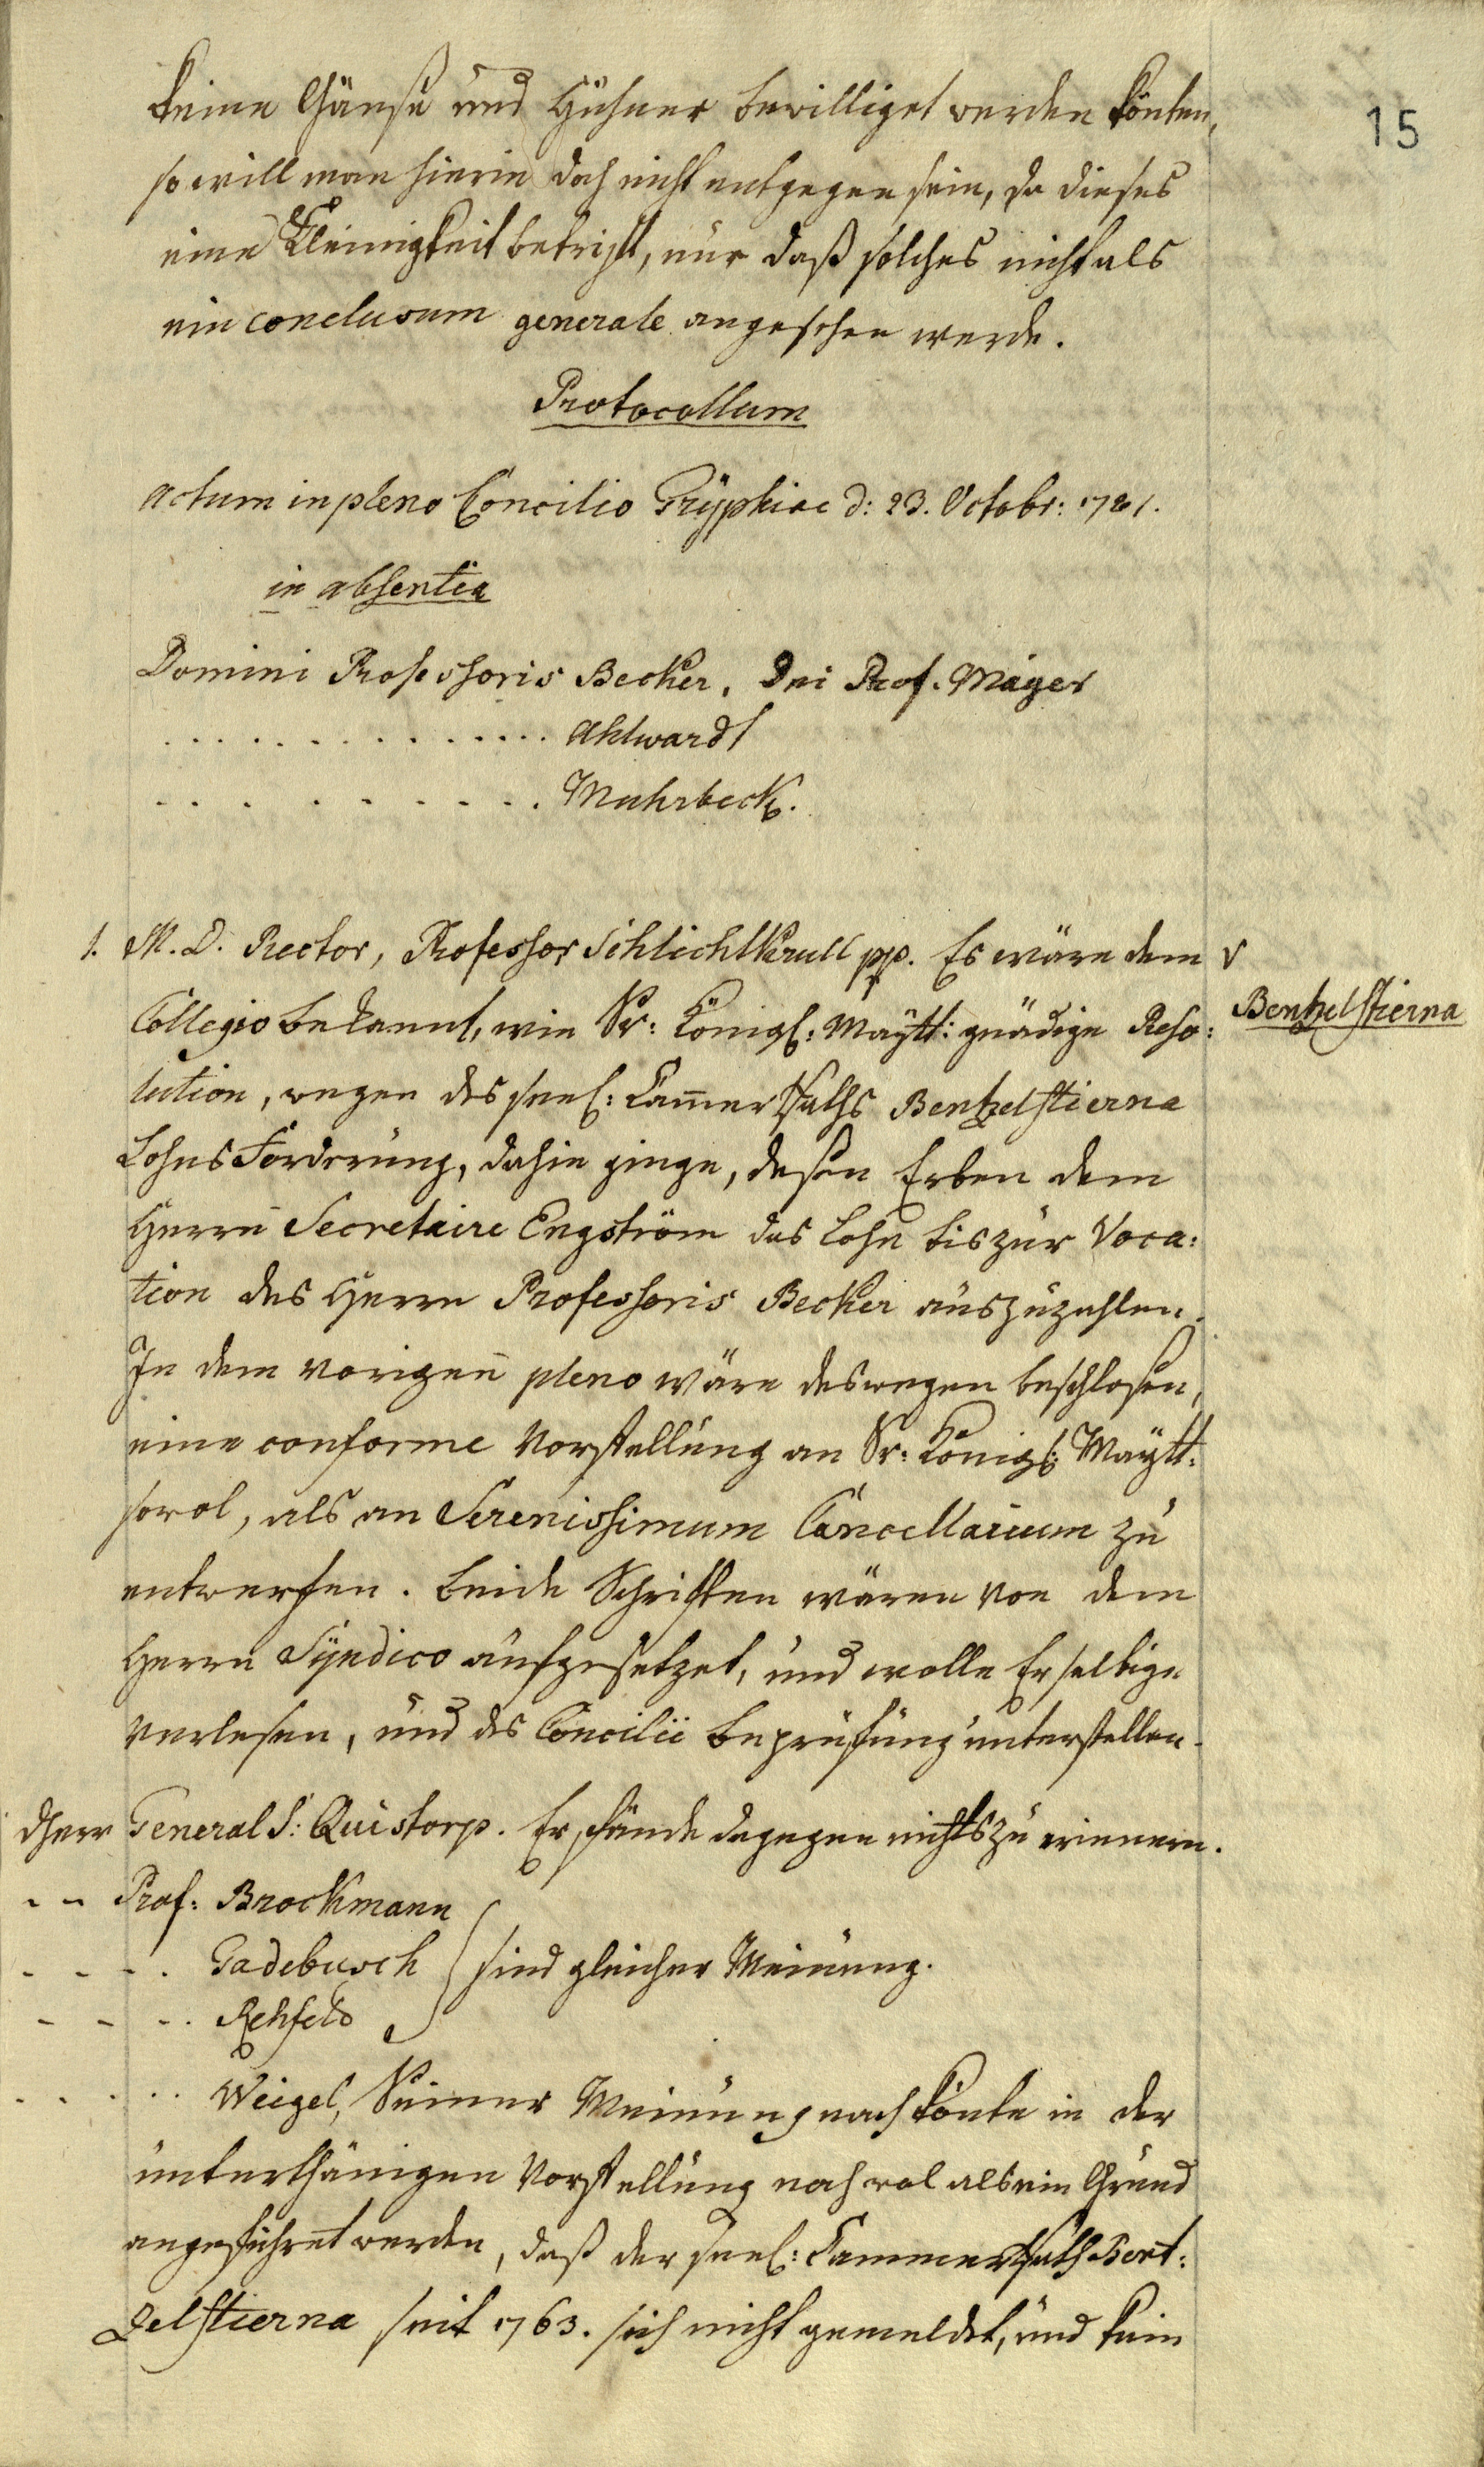keine Gänse und Hühner bewilliget werden könten,
so will man hierin doch nicht entgegen sein, da dieses
eine Kleinigkeit betrift, nur daß solches nicht als
ein conclusum generale angesehen werde.
Protocollum
actum in pleno Concilio Grÿphiae d: 23. Octobr: 1781
in absentia
Domini Professoris Becker, dei Prof. Maÿer
Ahlwardt
Muhrbeck
1. M. D. Rector, Professor Schlichtkrull pp. Es wäre dem
Collegio bekannt, wie Sr: Königl: Maÿst: gnädige Reso- Bentzelstierna
lution , wegen des seel: CamerRaths Bentzelstierna
Lohnsforderung, dahin ginge, deßen Erben dem
Herrn Secretaire Engström das Lohn bis zur Voca¬
tion des Herrn Professoris Becker auszuzahlen.
In dem vorigen pleno wäre deswegen beschloßen,
eine conforme Vorstellung an Sr: Königl: Maÿst.
sowol, als an Serenissimum Cancellarium zu
entwerfen. Beide Schriften wären von dem
Herrn Sÿndico aufgesetzet, und wolle Er selbige
verlesen, und des Concilii Beprüfung unterstellen.
Herr General S: Quistorp. Er fände dagegen nichts zu erinnern.
Prof: Brockmann
Gadebusch sind gleicher Meinung
Rehfeld
Weigel, Seiner Meinung nach könte in der
unterthänigen Vorstellung nach wol als ein Grund
angeführet werden, daß der seel: CammerRath Bent¬
zelstierna seit 1763. sich nicht gemeldet, und kein